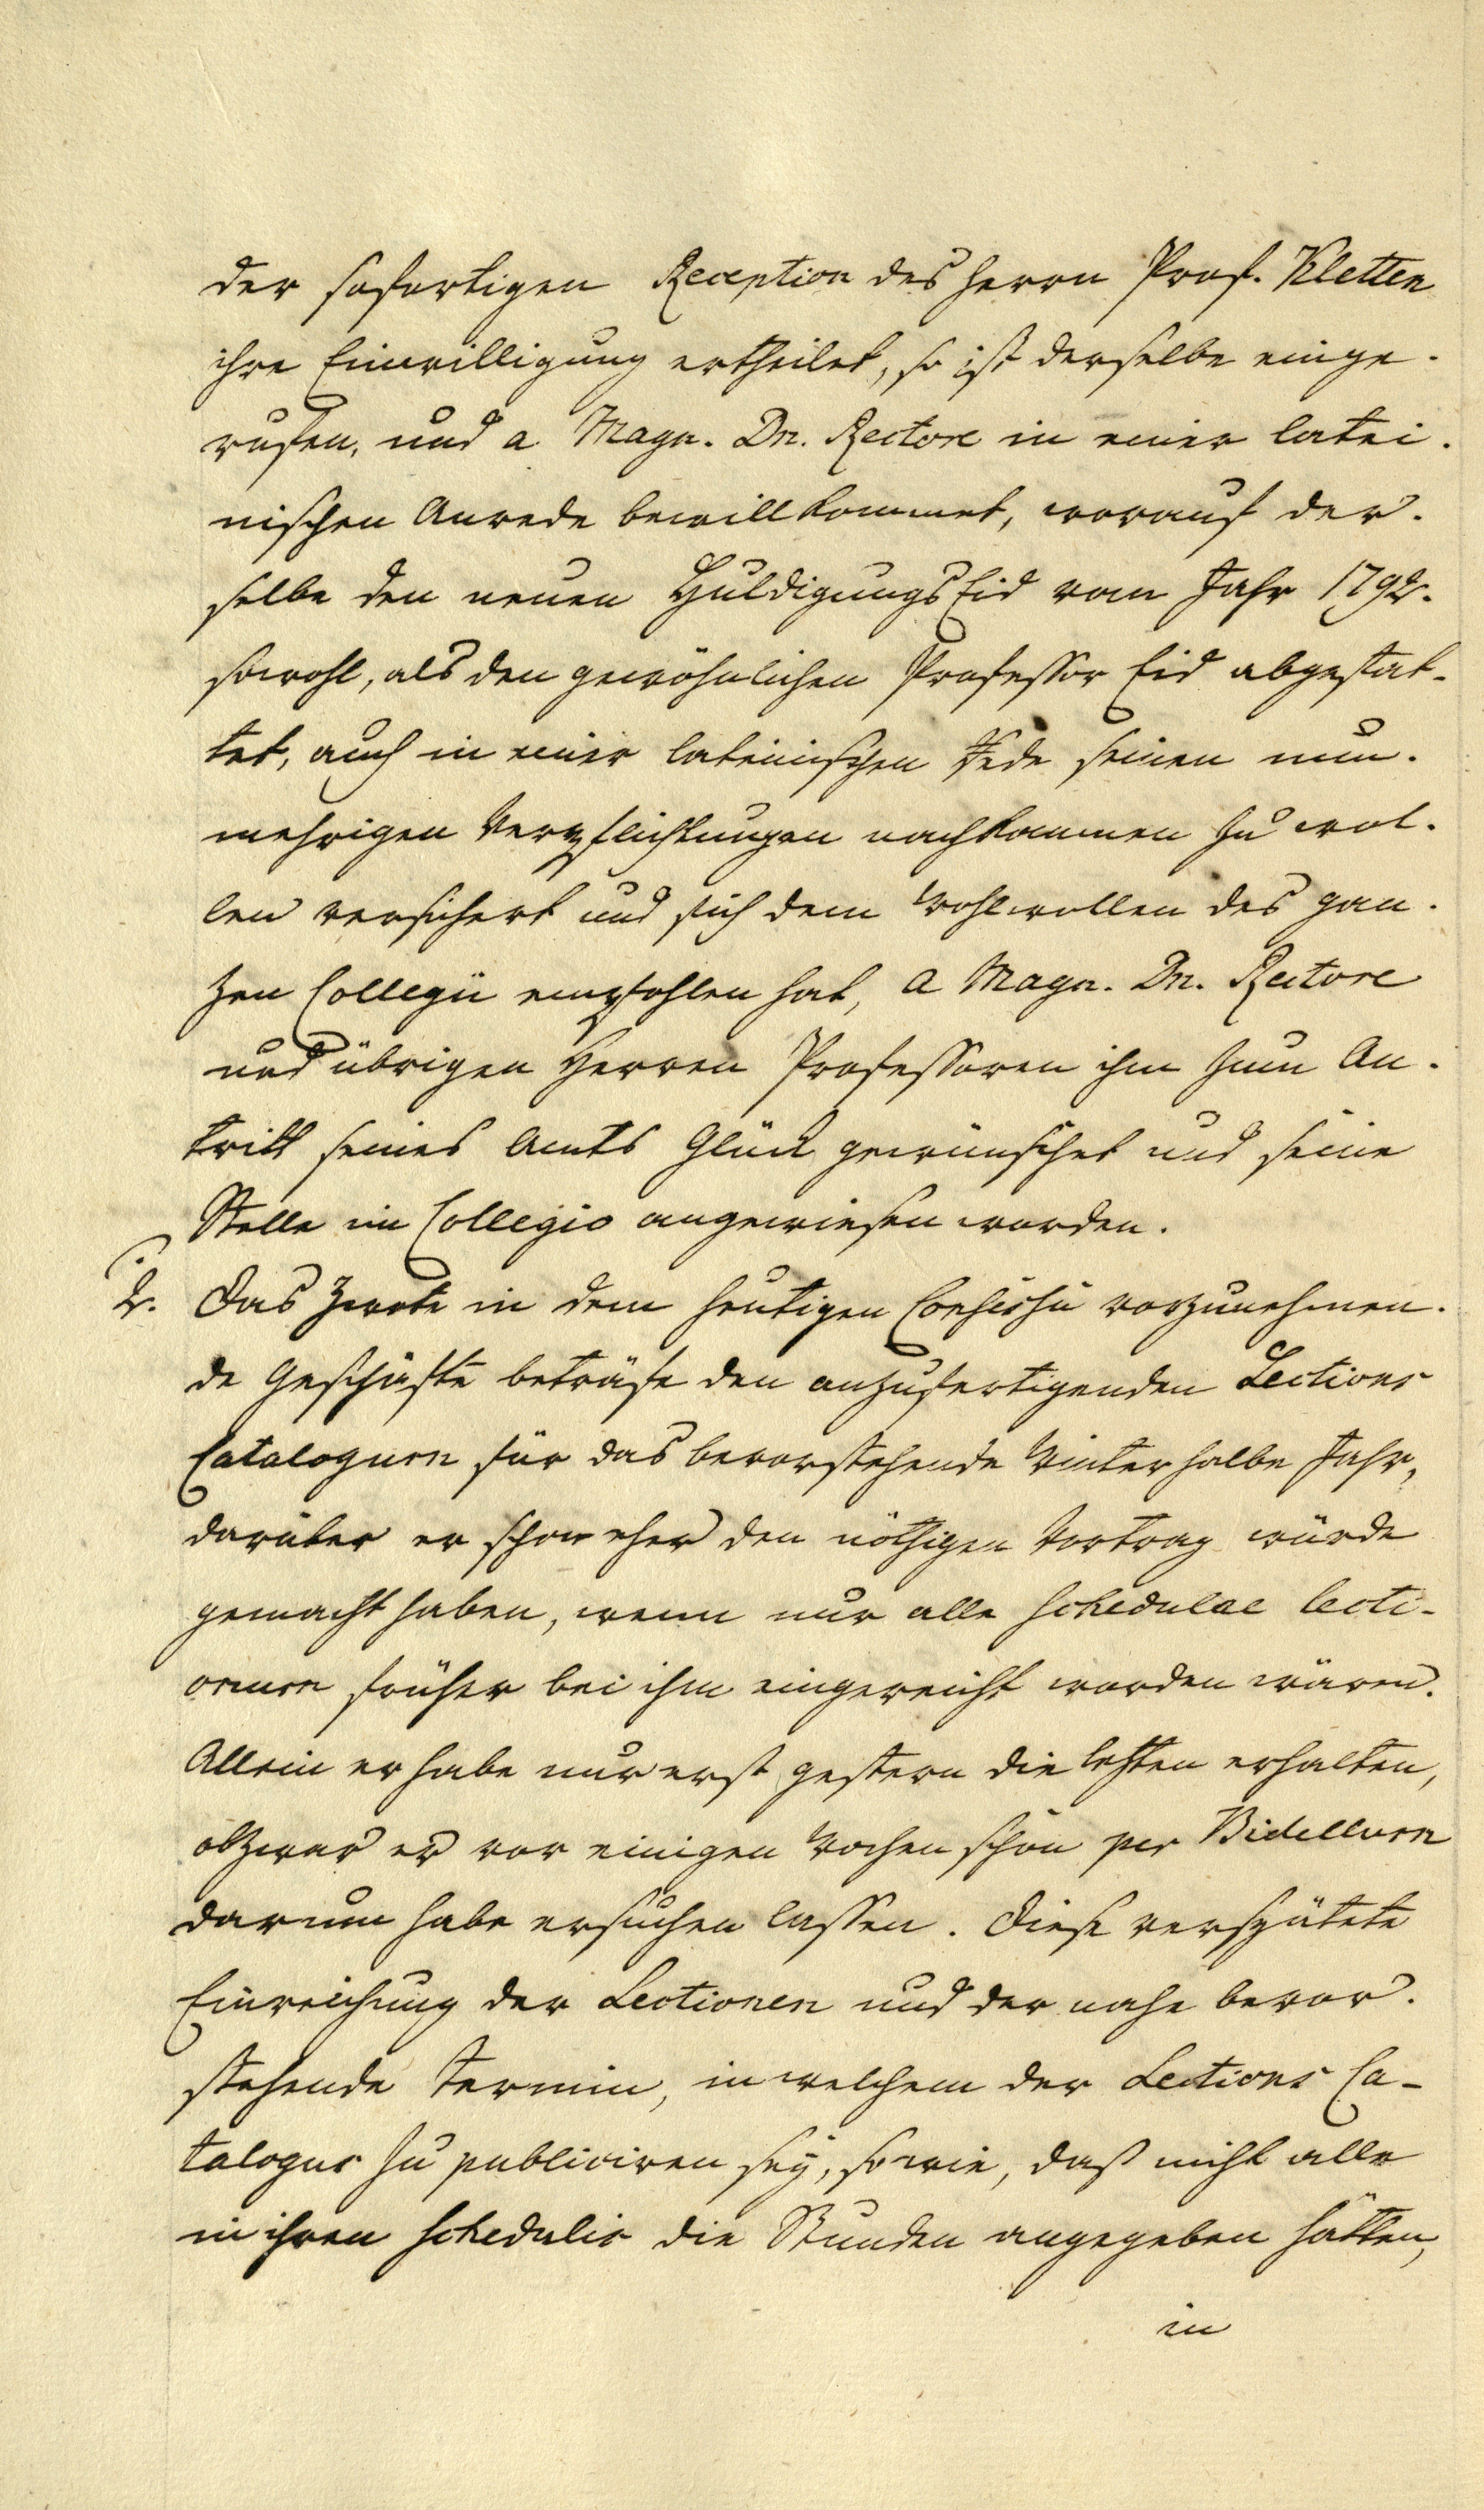der sofortigen Reception des herrn Prof. Kletten
ihre Einwilligung ertheilet, so ist derselbe einge-
rufen, und a Magn. Dn. Rectore in einer latei-
nischen Anrede bewillkommet, worauf der-
selbe den neuen Huldigungs Eid vom Jahr 1792.
sowohl, als den gewöhnlichen Professor Eid abgestat-
tet, auch in einer lateinischen Rede seinen nun-
mehrigen Verpflichtungen nachkommen zu wol-
len versichert und sich dem Wohlwollen des gan-
zen Collegii empfohlen hat, a Magn. Dn. Rectore
und übrigen Herren Professoren ihm zum An-
tritt seines Amts Glück gewünschet und seine
Stelle im Collegio angewiesen worden.
2. Das Zwote in dem heutigen Consessu vorzunehmen-
de Geschäfte beträfe den anzufertigenden Lections
Catalogum für das bevorstehende Winter halbe Jahr,
darüber er schon eher den nöthigen Vortrag würde
gemacht haben, wenn nur alle schedulae lecti-
onum früher bei ihm eingereicht worden wären.
Allein er habe nur erst gestern die letzten erhalten,
obzwar er vor einigen Wochen schon per Bidellum
darum habe ersuchen lassen. Diese verspätete
Einreichung der Lectionen und der nahe bevor-
stehende Termin, in welchem der Lections Ca-
talogus zu publiciren sey, sowie, daß nicht alle
in ihren schedulis die Stunden angegeben hätten,
in